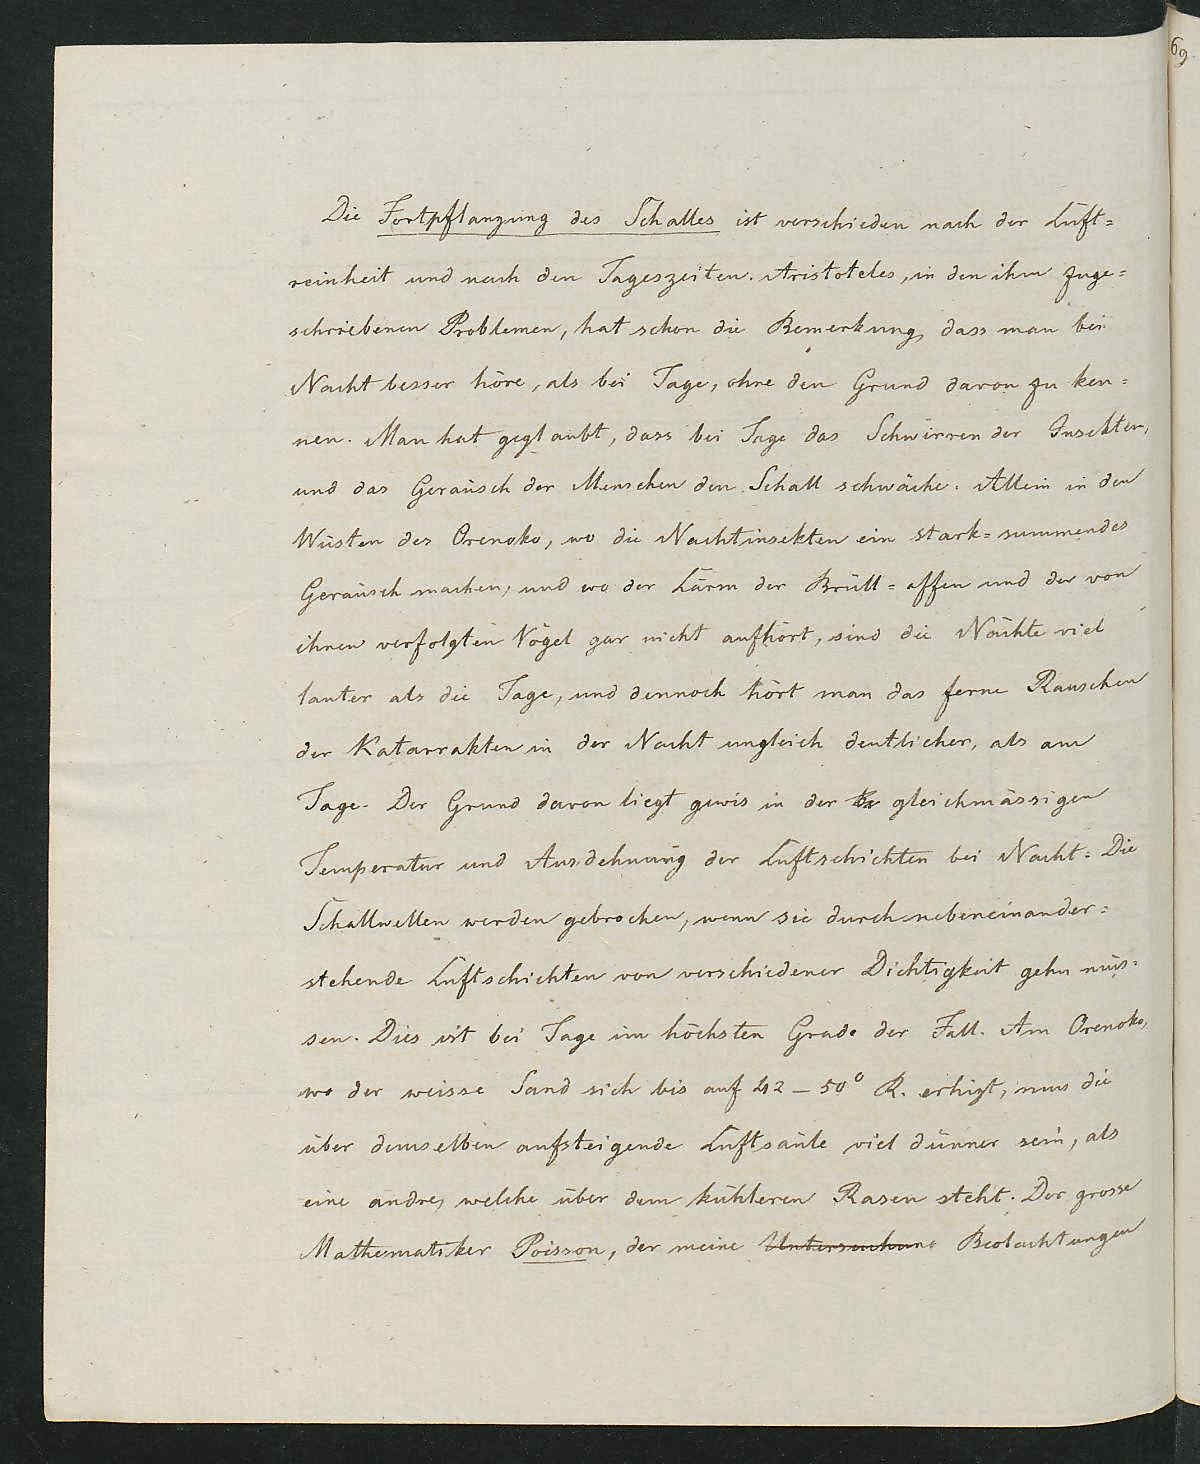Die Fortpflanzung des Schalles ist verschieden nach der Luft-
reinheit und nach den Tageszeiten. Aristoteles, in den ihm zuge-
schriebenen Problemen, hat schon die Bemerkung, dass man bei
Nacht besser höre, als bei Tage, ohne den Grund davon zu ken-
nen. Man hat geglaubt, dass bei Tage das Schwirren der Insekten,
und das Geräusch der Menschen den Schall schwäche. Allein in den
Wüsten des Orenoko, wo die Nachtinsekten ein stark-summendes
Geräusch machen, und wo der Lärm der Brüll-affen und den von
ihnen verfolgten Vögel gar nicht aufhört, sind die Nächte viel
lauter als die Tage, und dennoch hört man das ferne Rauschen
der Katarrakten in der Nacht ungleich deutlicher, als am
Tage. Der Grund davon liegt gewis in der gleichmässigen
Temperatur und Ausdehnung der Luftschichten bei Nacht. Die
Schallwellen werden gebrochen, wenn sie durch nebeneinander-
stehende Luftschichten von verschiedener Dichtigkeit gehn müs-
sen. Dies ist bei Tage im höchsten Grade der Fall. Am Orenoko,
wo der weisse Sand sich bis auf 42–50° R. erhizt, mus die
über demselben aufsteigende Luftsäule viel dünner sein, als
eine andre, welche über dem kühleren Rasen steht. Der grosse
Mathematiker Poisson, der meine UntersuchunBeobachtungen